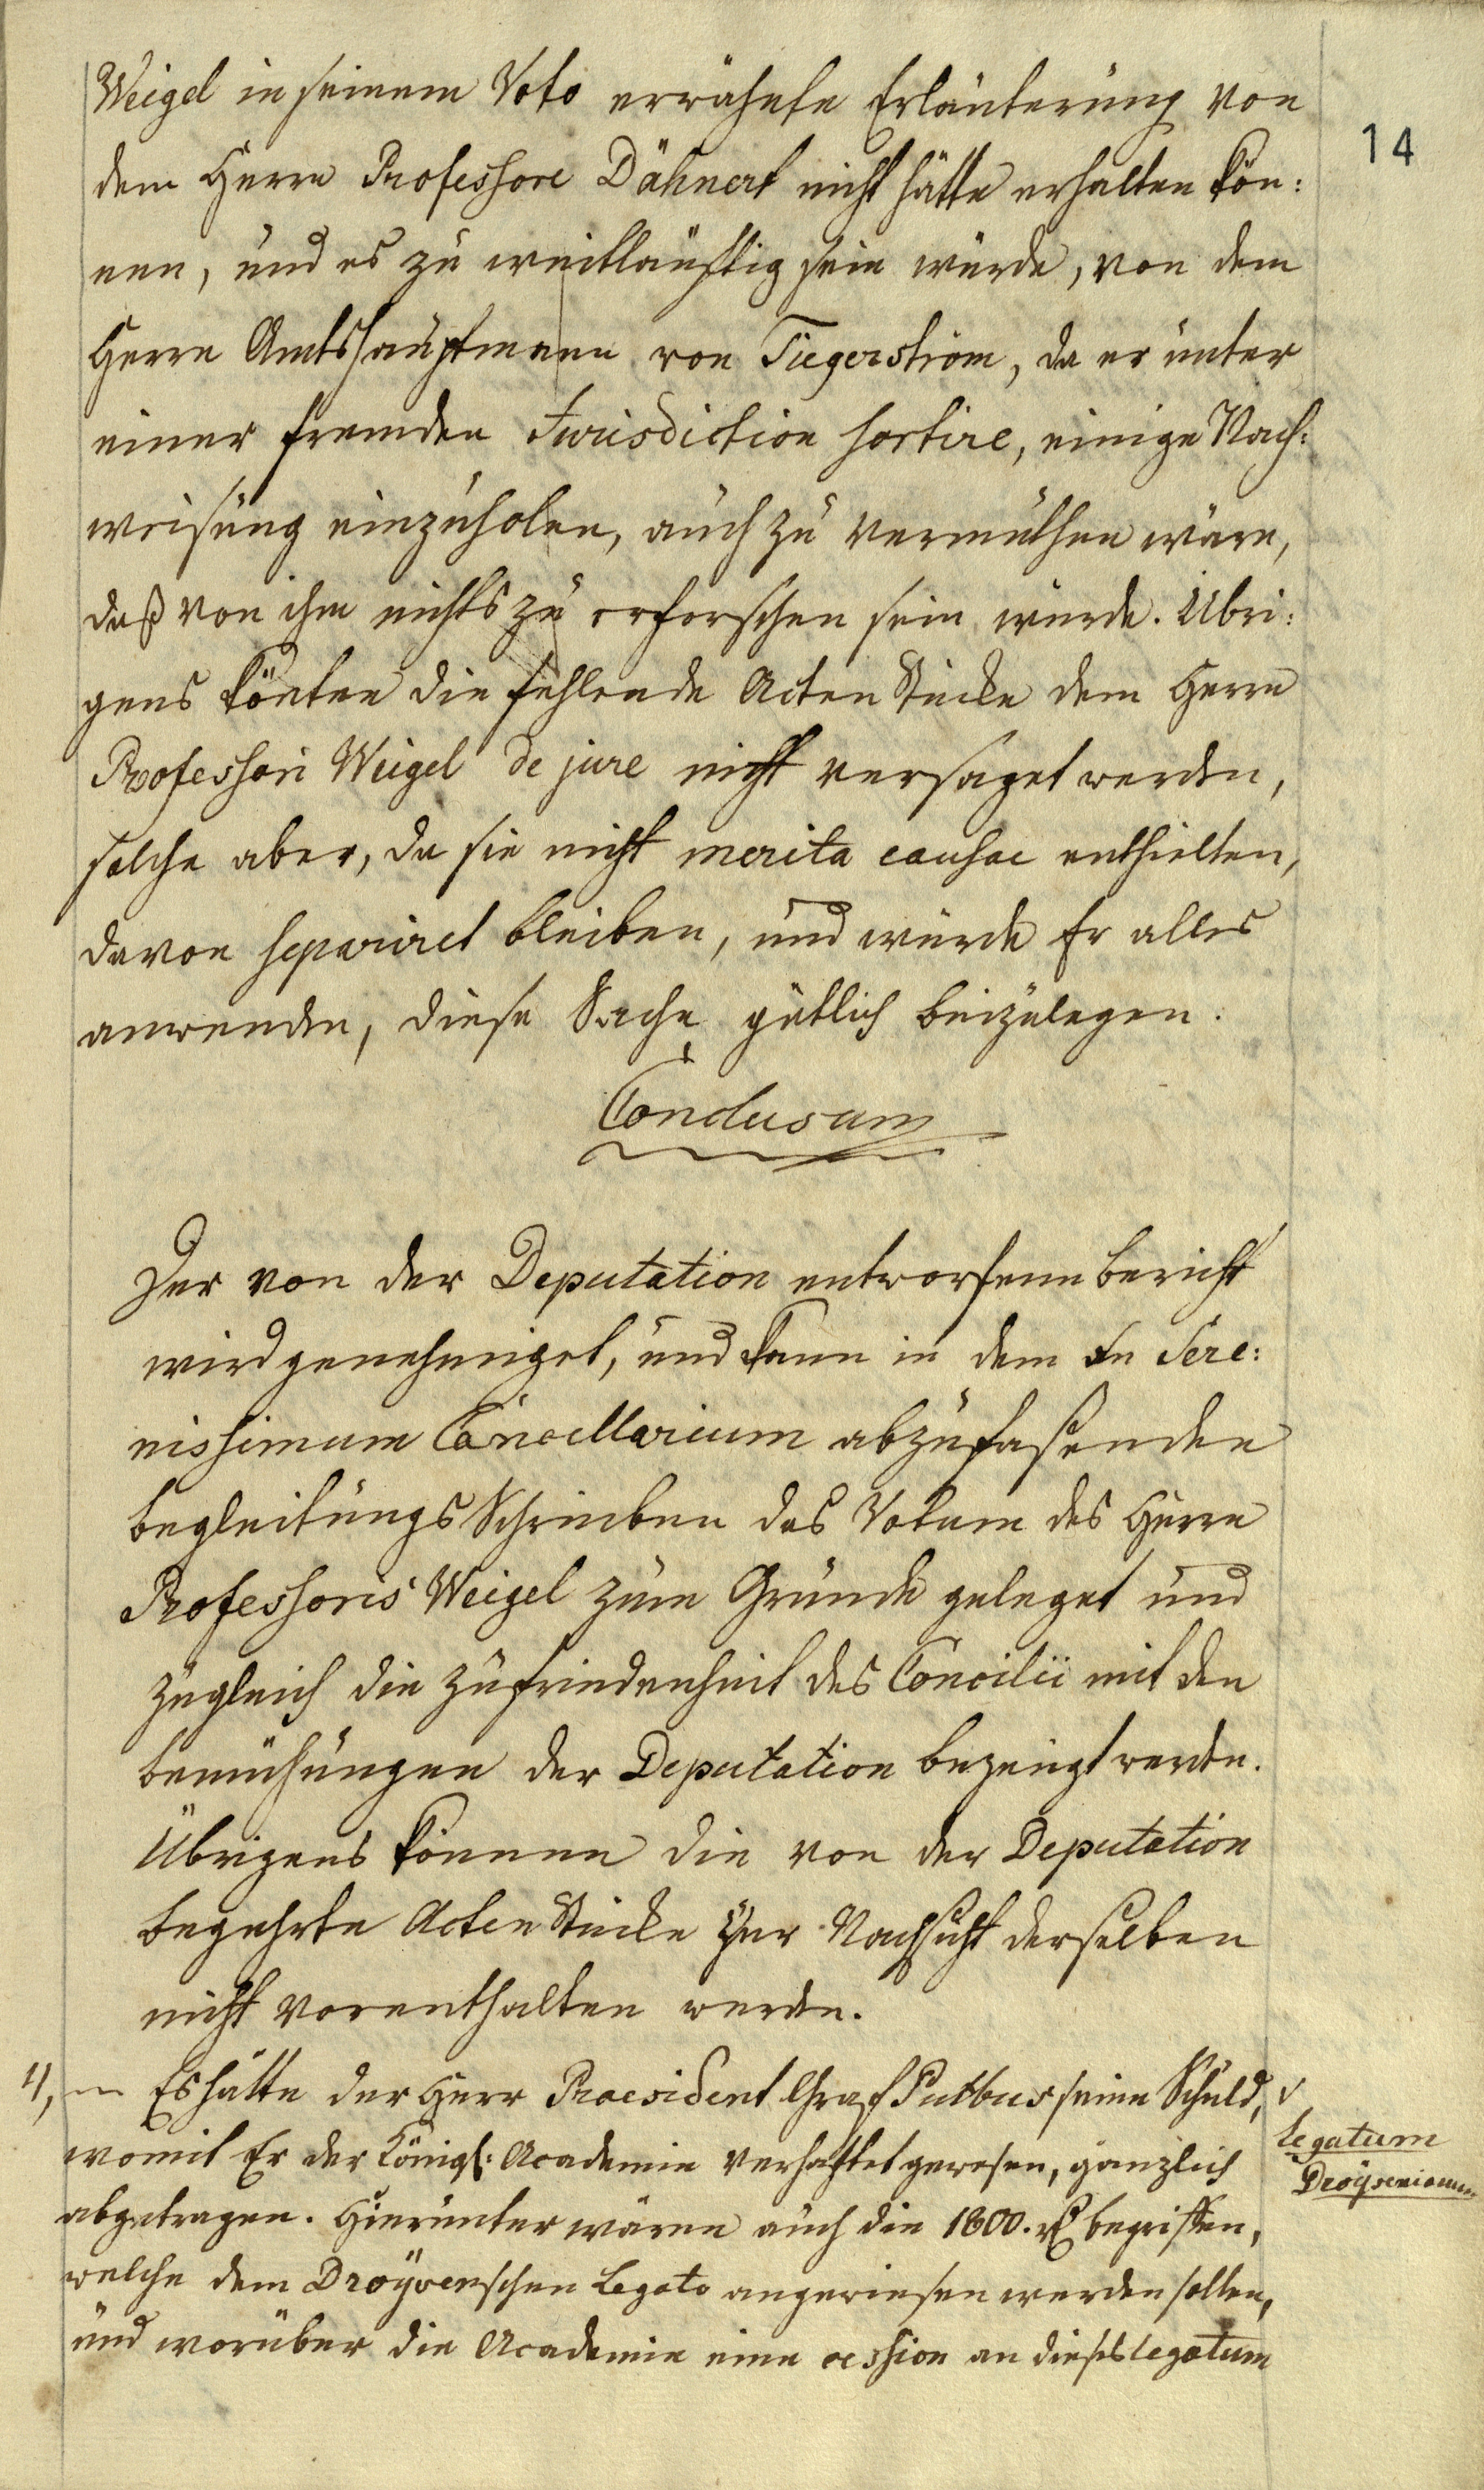Weigel in seinem Voto erwähnte Erläuterung von
dem Herrn Professore Dähnert nicht hätte erhalten kön¬
nen, und es zu weitläuftig sein würde, von dem
Herrn Amtshauptmann von Tiegerström, da er unter
einer fremden Jurisdiction sortire, einige Nach¬
weisung einzuholen, auch zu vermuthen wäre,
daß von ihm nichts zu erforschen sein würde. Übri¬
gens könten die fehlende Acten Stücke dem Herrn
Professori Weigel de jure nicht versaget werden,
solche aber, da sie nicht merita causae enthielten,
davon separiret bleiben, und würde Er alles
anwenden, diese Sache gütlich beizulegen.
Conclusum
Der von der Deputation entworfenen Bericht
wird genehmiget, und kann in dem an sere¬
nissimum Cancellarium abzufaßenden
Begleitungs Schreiben das Votum des Herrn
Professoris Weigel zum Grunde geleget und
zugleich die Zufriedenheit des Concilii mit den
Bemühungen der Deputation bezeugt werden.
Übrigens können die von der Deputation
begehrte Acten Stücke zur Nachsicht derselben
nicht vorenthalten werden.
4. Es hätte der Herr Praesident Graf Putbus seine Schuld,
womit Er der Königl: Academie verhaftet gewesen, gänzlich Legatum Droÿsenianum
abgetragen. Hierunter wären auch die 1800. r begriffen,
welche dem Droÿsenschen Legato angewiesen werden sollen,
und worüber die Academie eine cession an dieses legatum